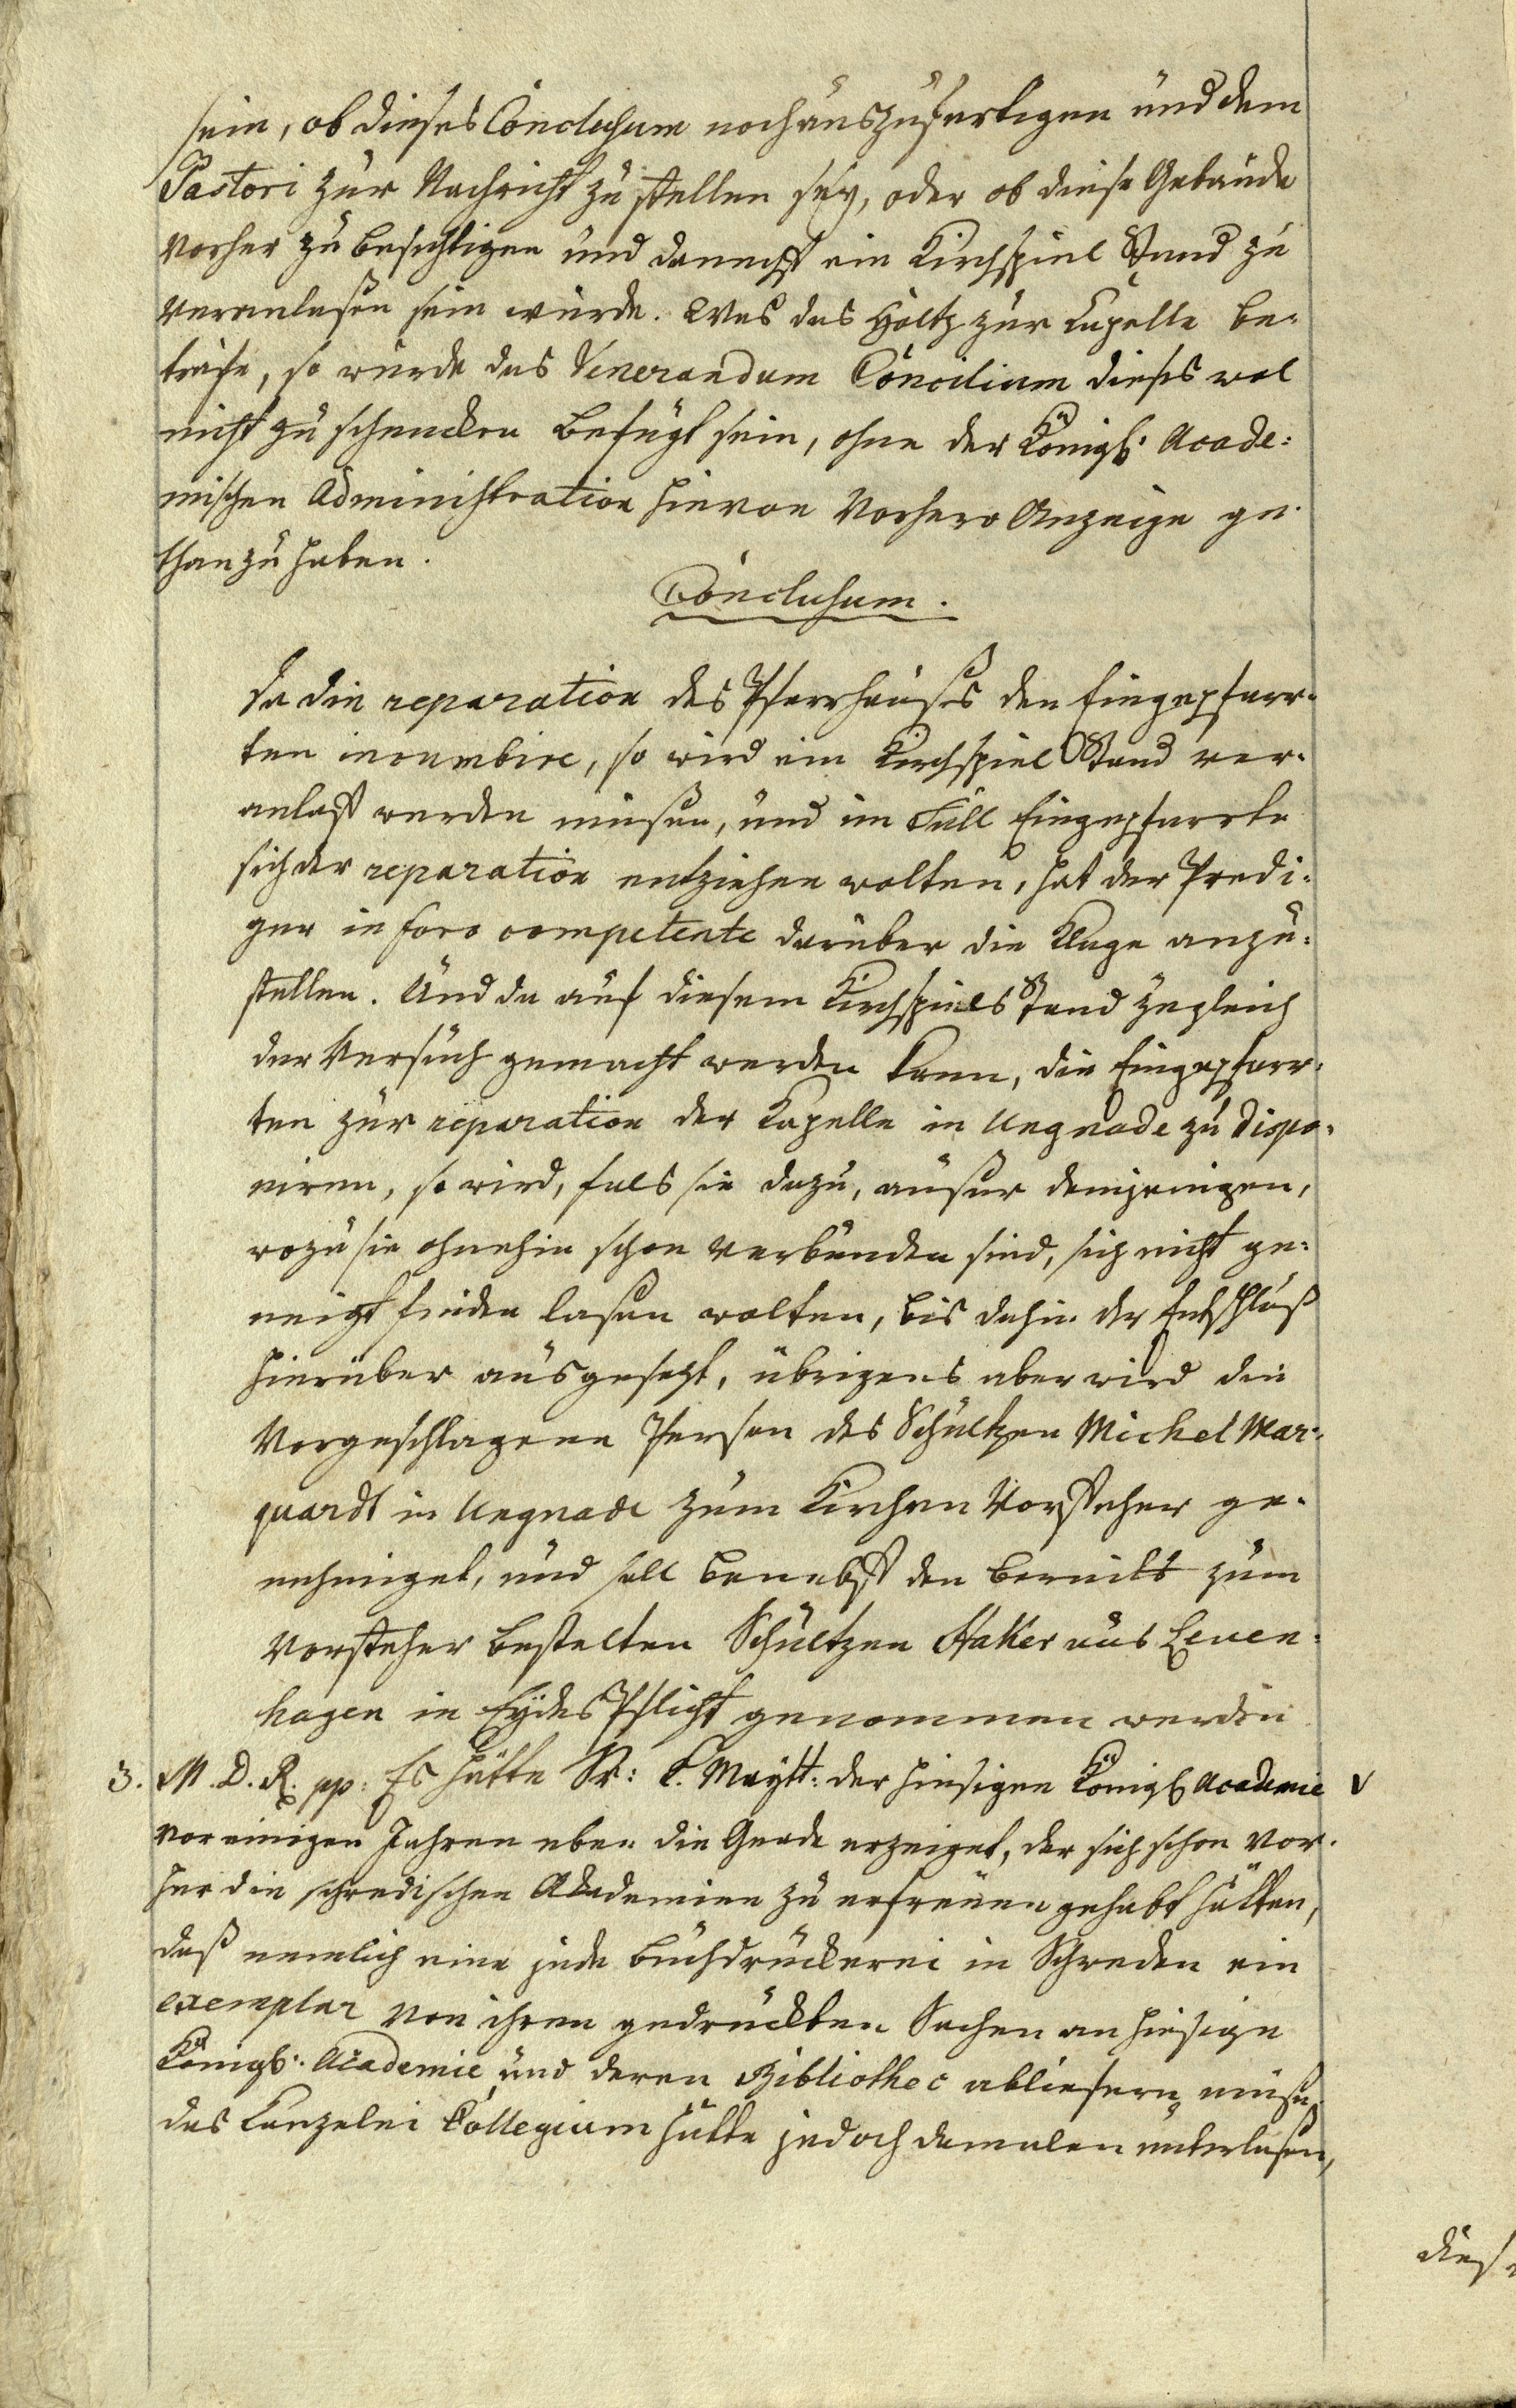sein, ob diese Conclusum noch auszufertigen und dem
Pastori zur Nachricht zu stellen seÿ, oder ob diese Gebäude
vorher zu besichtigen und danechst ein Kirchspiel Stand zu
veranlaßen sein würde. Was das Holtz zur Capelle be¬
träfe, so würde das Venerandum Concilium dieses wol
nicht zu schencken befugt sein, ohne der Königl. Acade¬
mischen Administration hievon vorhero Anzeige ge¬
than zu haben.
Conclusum.
Da die reparation des Pfarrhauses den Eingepfarr¬
ten incumbire, so wird ein Kirchspiel Stand ver¬
anlast werden müßen, und im Fall Eingepfarrte
sich der reparation entziehen wolten, hat der Predi¬
ger in foro competente darüber die Klage anzu¬
stellen. Und da auf diesem Kirchspiel Stand zugleich
der Versuch gemacht werden kann, die Eingepfarr¬
ten zur reparation der Kapelle in Ungnade zu dispo¬
niren, so wird, fals sie dazu, außer demjenigen,
wozu sie ohnehin schon verbunden sind, sich nicht ge¬
neigt finden laßen wolten, bis dahin der Entschluß
hierüber ausgesezt, übrigens aber wird die
vorgeschlagene Person des Schultzen Michel Mar¬
quardt in Ungnade zum Kirchen Vorsteher ge¬
nehmiget, und soll benebst den bereits zum
Vorsteher bestelten Schultzen Haker aus Leven¬
hagen die Eÿdes Pflicht genommen werden.
M. D. R. pp. Es hätte Sr K. Maÿtt. der hiesigen Königl. Academie
vor einigen Jahren eben die Gnade erzeiget, der sich schon vor¬
her die schwedischen Academien zu erfreuen gehabt hätten,
daß nemlich eine jede Buchdruckerei in Schweden ein
exemplar von ihren geduckten Sachen an hiesige
Königl. Academie und deren Bibliothec abliefern müße.
Das Canzelei Collegium hätte jedoch damalen unterlaßen,